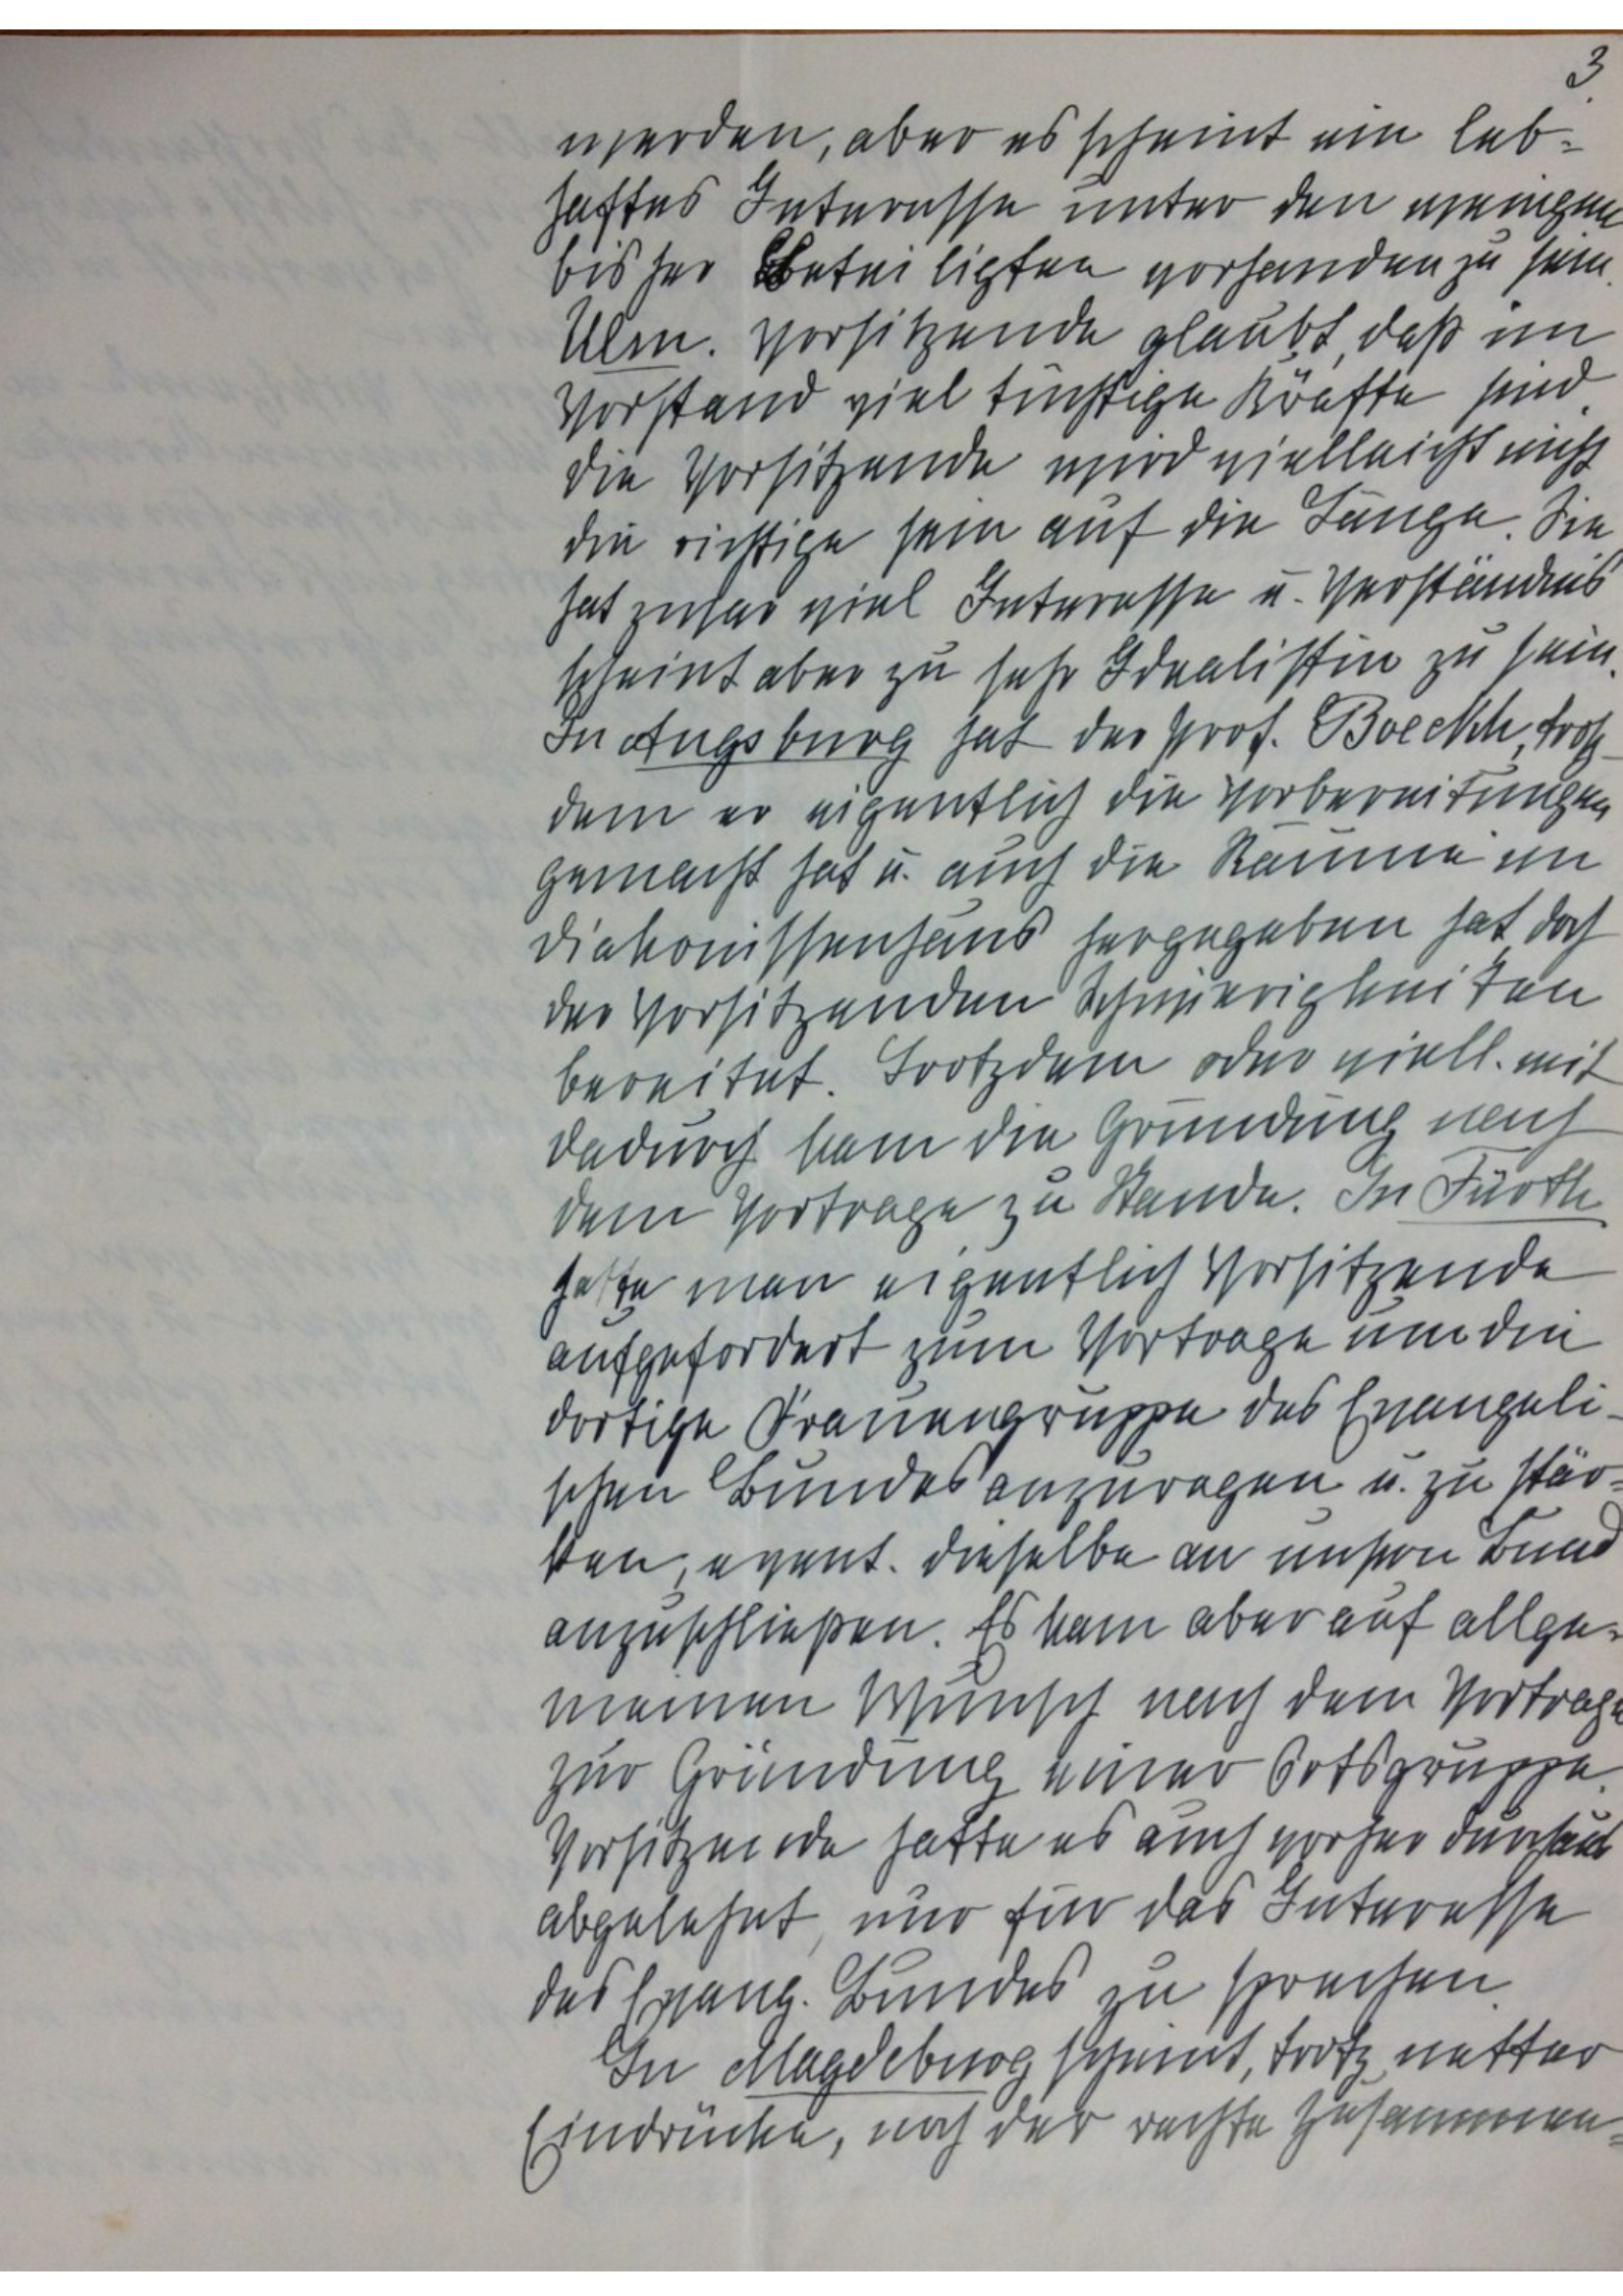3
werden, aber es scheint ein leb
haftes Interesse unter den wenigen
bisher Beteilitgen vorhanden zu sein.
Ulm Vorsitzedne glaubt, da0 im
Vorstand viel tüchtige Kräfte sind.
Die VOrsitzende wird vielleicht nicht
die richtige sein auf die Länge. Sie
hat zwar viel Interesse u. Verstänkeit
scheint aber zu sehr Idealistin zu sein.
In Augsburg hat der Prof. Boectch trotz
dem er eigentelich die Vorbereitungen
gemcht hat u. auf die Räume im
Diakonissenhaus vergeben hat doch
der Vorsitzenden Schwierigkeiten
bereitet. Trotzdem ider viell. mit
dadurch kam die Gründung nach
dem Vortrag zu Stande. In Fürth
hatte man eigentlich Vorsitzende
aufgefordert zum Vortrage um die
dortige Frauengruoppe des Evangeli
schen Bundes anzuregen u, zu stär
ken, eigent. dieselbe an unseren Bund
anzuschlueßen. Es kam aber auf allge
meinen Wunsch nach dem Vortrage
zur Gündung einer Ortsgruppe.
Vorsitzende hatte es auch vorher durchaus
abgeleht nur für das Interesse
des Enag. Bundes zu sprechen.
In Magdeburg scheint trotz netter
Eindrücke uns der recht Zusammen